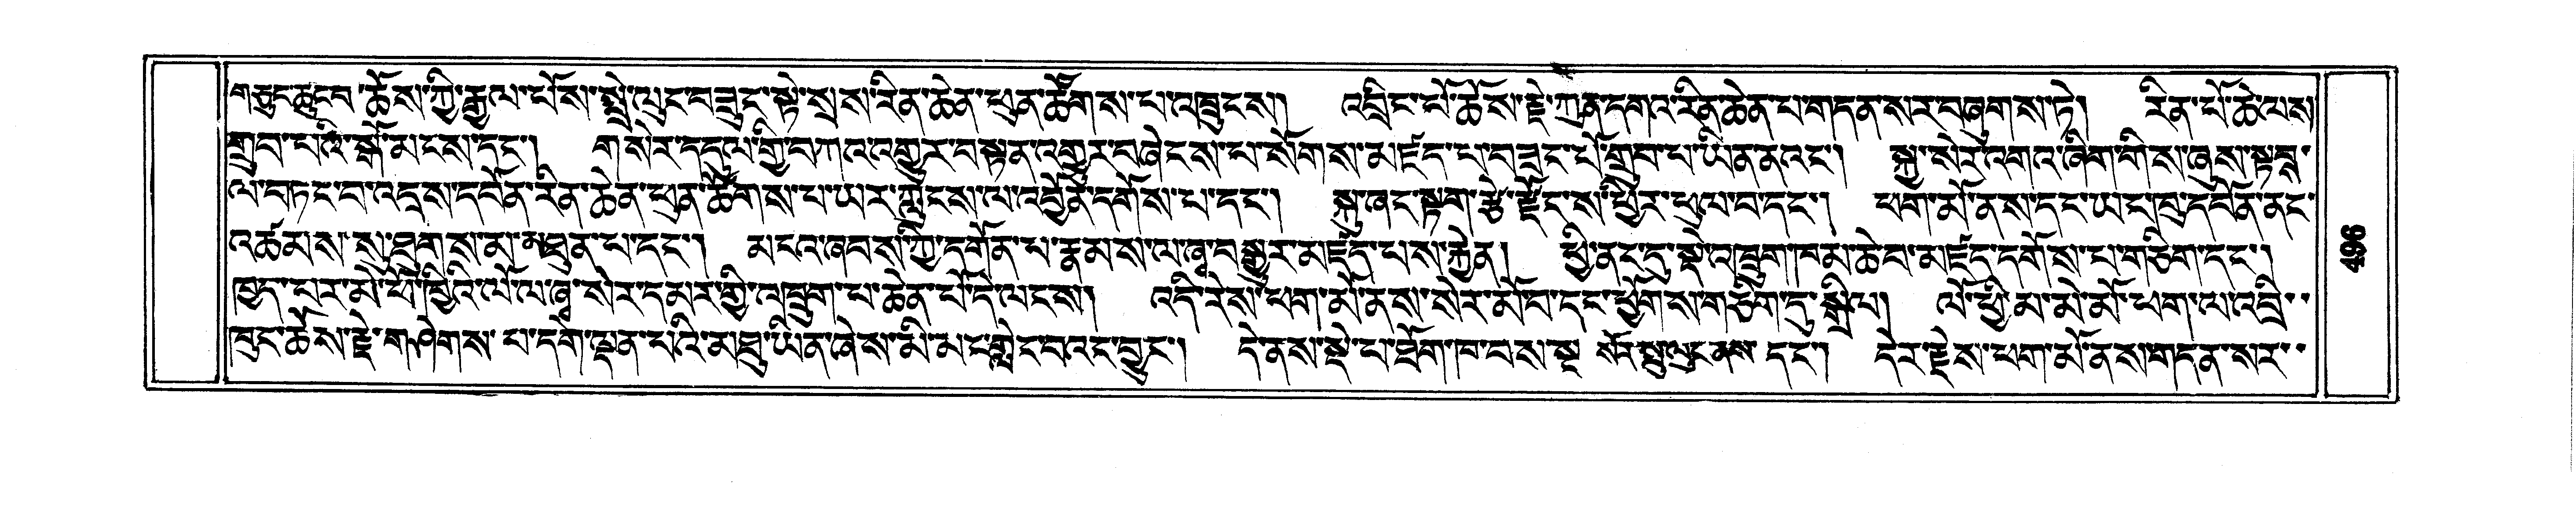གཅུང་ཆུང་བ་ཆོས་ཀྱི་རྒྱལ་པོས་སྤྲེ་ལུང་བཟུང་སྟེ་སྲས་རིན་ཆེན་ཕུན་ཚོགས་པ་འཁྲུངས། འབྲིང་པོ་ཆོས་རྗེ་ཀུན་དགའ་རིན་ཆེན་པ་གདན་སར་བཞུགས་ཏེ། རིན་པོ་ཆེ་ལས་
གྲུབ་པའི་སྒོ་མངས་དང་། གསེར་དངུལ་གྱི་བཀའ་འགྱུར་བསྟན་འགྱུར་བཞེངས་པ་སོགས་མཛད་པ་བཟང་པོ་གྲུབ་པ་ཡིན་ནའང་། སྐྱ་སེར་འགའ་ཞིག་གིས་ཞུས་སྟབས་
ལ་བཏང་བ་འདྲས་དབོན་རིན་ཆེན་ཕུན་ཚོགས་པ་ཡར་ཀླུངས་ལ་འབྱོན་དགོས་པ་དང་། སྐུ་ཞང་སྟག་རྩེ་རྫོང་ས་ཕྱིར་ཕུལ་བ་དང་། ཕག་མོ་ནས་དང་ཡང་ཁུ་དབོན་ནང་
འཚམས་སུ་ཐུགས་མ་མཐུན་པ་དང་། མངའ་ཞབས་ཀྱི་དགོན་པ་རྣམས་ལ་ཞྭ་བསྒྱུར་མཛད་པས་རྐྱེན། ཕྱི་ནང་དུ་སྡེ་འཁྲུག་ཁམ་ཆེ་བ་མཛད་དགོས་པ་གཅིག་དང་།
ཁྱད་པར་མེ་ཕོ་ཁྱིའི་ལོ་ལ་ཞྭ་སེར་དམར་གྱི་འཁྲུག་པ་ཆེན་པོ་དེ་ལངས། འདི་རེས་ཕག་མོ་ནས་སེར་མོ་བ་དང་ཕྱོགས་གཅིག་དུ་སྒྲིལ། ལོ་ཕྱི་མ་མེ་མོ་ཕག་ལ་འབྲི་
ཁུང་ཆོས་རྗེ་གཤེགས་པ་དགེ་ལྡན་པའི་མཐུ་ཡིན་ཞེས་མི་མང་གླེང་བའང་བྱུང་། དེ་ནས་སྡེ་པ་ཐོག་ཁ་བས་སྔ་སོར་སྤུ་ལུང་ནས་དང་། དེར་རྗེས་ཕག་མོ་ནས་གདན་སར་